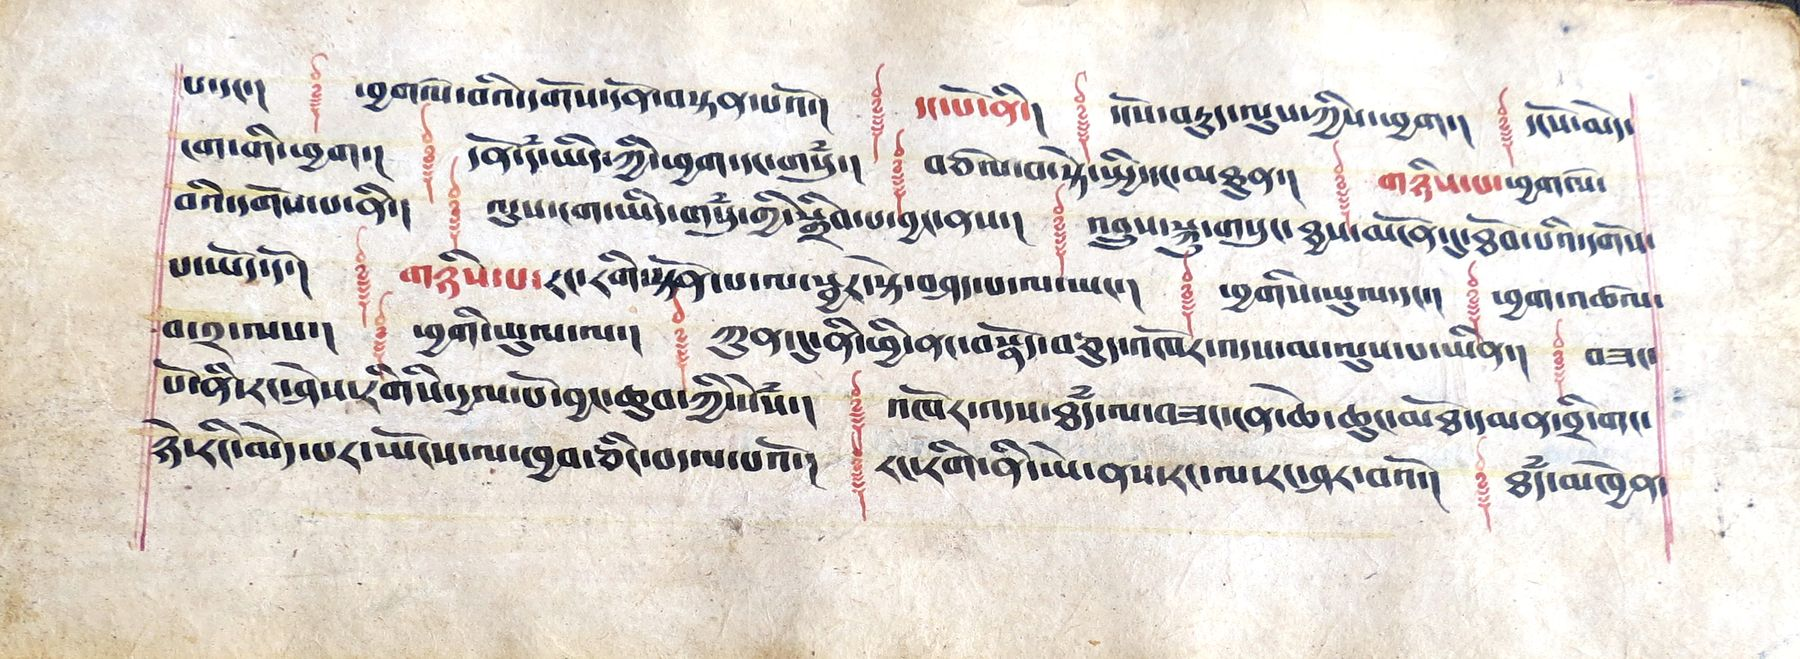པ་དང་། ཕྱག་འཚལ་བའི་དགོས་དོན་བསྟན་པའོ། དང་པོ་ནི། དངོས་བཏུད་ལུས་ཀྱི་ཕྱག དངོས་མེད་
ངག་གི་ཕྱག དོན་དམ་ཡིད་ཀྱི་ཕྱག་དང་གསུམ། རྩལ་བ་སྟེ་སྤྱི་དང་མཐུན། གཉིས་པ་ཕྱག་འཚལ་
བའི་དགོས་པ་ནི། ལུས་ངག་ཡིད་གསུམ་གྱི་སྒྲིབ་པ་བྱང་ནས། འབྲས་བུ་སྐུ་གསུང་ཐུགས་མངོན་དུ་ཐོབ་པའི་དགོས་
པ་ཡོད་དོ། །གཉིས་པ་རང་རིག་སྟོན་པ་ལ་སྦྱར་ཏེ་བཤད་པ་ལ་ཡང་། ཕྱག་གི་ཡུལ་དང་། ཕྱག་འཚལ་
བ་གཉིས་ལས། ཕྱག་གི་ཡུལ་ལ། ཀུན་ཏུ་ནི་ཕྱི་ནང་སྣོད་བཅུད་འཁོར་འདས་མ་ལུས་པ་ཡིན། བཟང་
པོ་ནི་རང་ཤེས་རིག་གི་རྒྱལ་པོ་བྱང་ཆུབ་ཀྱི་སེམས་འཁོར་འདས་ཐམས་ཅད་ལ། བཟང་ངན་ཆེ་ཆུང་མཐོ་དམན་བྲི་གང་
ཉེ་རིང་མེད་པར་ཡོངས་ལ་ཁྱབ་ཅིང་བདལ་བའོ། །རང་རིག་ནི་ཡེ་ནས་རང་ལ་རང་ཤར་བའོ། །ཐམས་ཅད་མཁྱེན་